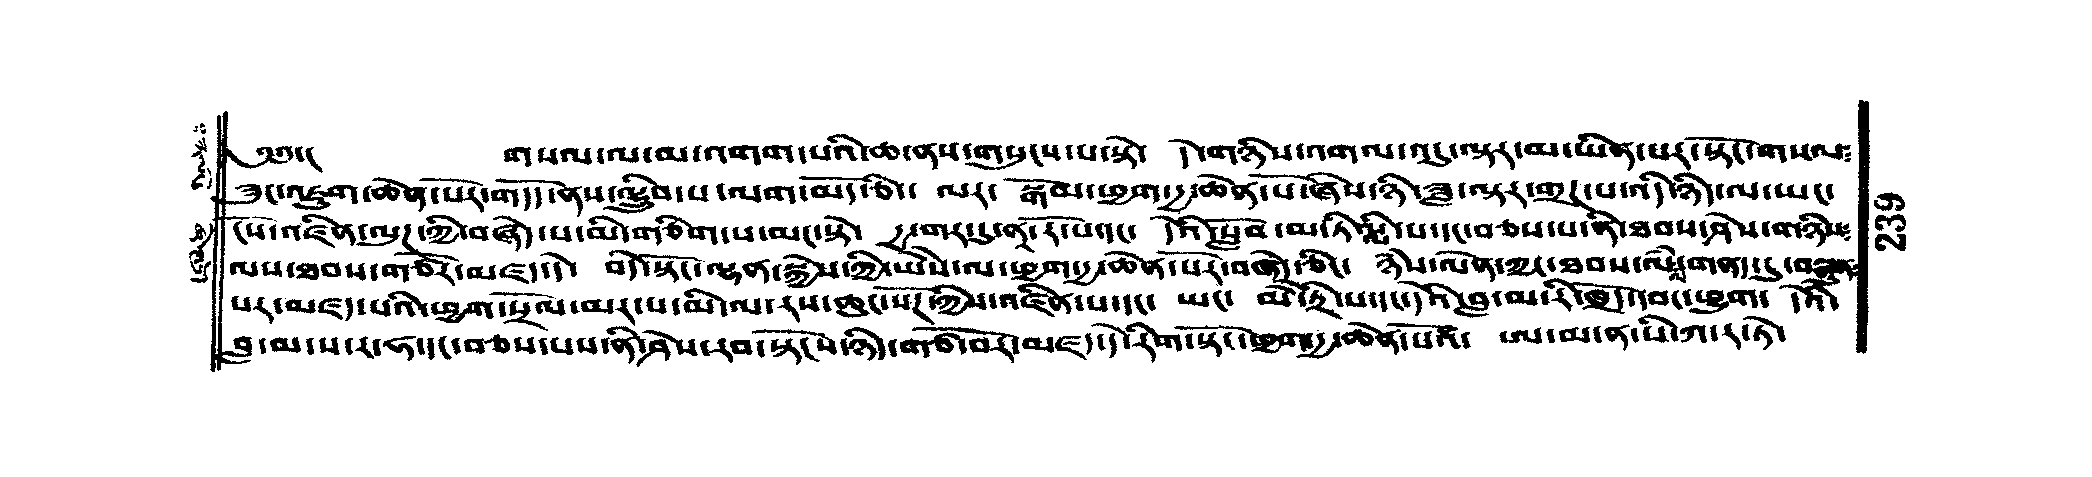གསལ་ལ་མ་འགག་པའི་ཆ་ནས་གསུངས་པ་སྟེ། དེ་གཉིས་འགལ་འདུ་ལྟར་མ་ཡིན་པར་སྟོང་གསལ་
ཟུང་འཇུག་ཆེན་པོར་གདོད་ནས་ལྷུན་གྱིས་གྲུབ་པ་ལགས་མོད་ཅིང་། ལར། སྒོམ་ཕྱག་རྒྱ་ཆེན་པོ་ཞེས་ཉི་ཟླ་ལྟར་གྲགས་པ་འདི་ཉིད་ལ་ཡང་
ངོས་འཛིན་ལུགས་ཀྱི་བཞེད་པ་མི་གཅིག་པ་མང་སྟེ། རྒྱ་གར་ཏེལློ་པ་དང་། དེའི་སློབ་མ་ན་རོ་པ་དང་བཅས་པ་ནི་ཐབས་ཤེས་གཉིས་
ལས་ཐབས་གཙོ་བོར་མཛད་དེ། བདེ་སྟོང་ལྷན་སྐྱེས་ཀྱི་ཡེ་ཤེས་ལ་ཕྱག་རྒྱ་ཆེན་པོར་བཞེད་ཅིང་། ཉམས་ལེན་ཀྱང་ཐབས་ལམ་ལ་གནད་དུ་བསྣུན་
པར་མཛད་པའི་ཕྱག་སྲོལ་མར་པ་མི་ལ་རས་ཆུང་སོགས་ཀྱི་འཛིན་པ་དང་། ཡང་། མཻ་ཏྲི་པ་དང་དེའི་བླ་མ་རི་ཁྲོད་དབང་ཕྱུག དེའི་
བླ་མ་ས་ར་ཧ་དང་བཅས་པས་ནི་ཤེས་རབ་སྟོང་ཉིད་གཙོ་བོར་མཛད་དེ་རིག་སྟོང་ཕྱག་རྒྱ་ཆེན་པོའམ།ཨ་མ་ན་སི་ཀ་ར་ཏེ་